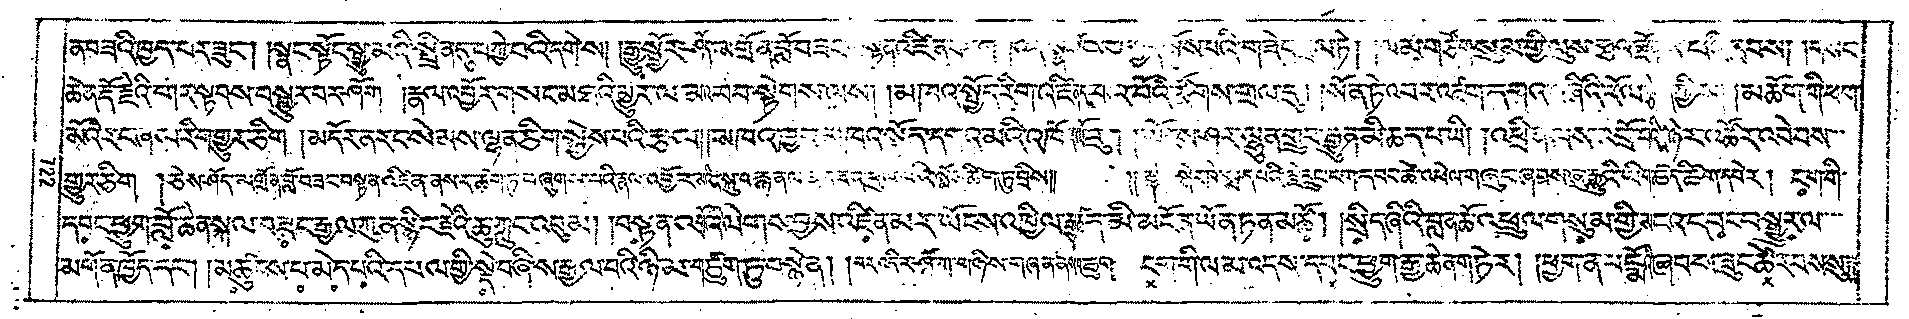ན་བཟའི་ཁྱད་པར་ཟུང་། །སྣང་སྟོང་སྒྱུ་མའི་སྤྲིན་དུ་བཀྱེ་བའི་དགེས། །རྒྱུ་སྦྱོར་ཤོད་མགྲོན་བློ་བཟང་བསྟན་འཛིན་བདག །འདི་སྣང་ཆོས་བརྒྱད་སྤྲོས་པའི་གཟེབ་དྲལ་ཏེ། །ལམ་གཙོ་གསུམ་གྱི་ལུས་རྩལ་རྫོགས་པའི་རླབས། །གསང་
ཆེན་རྡོ་རྗེའི་གར་སྟབས་བསྒྱུར་བར་ཤོག །རྣལ་འབྱོར་གསང་མཐའི་མྱུར་ལམ་འབབ་སྟེགས་ལས། །མཁའ་སྤྱོད་རིག་འཛིན་དཔའ་བོའི་ཚོགས་གྲལ་དུ། །སོན་ཏེ་འབར་འཛག་དགའ་བཞིའི་རོལ་རྩེད་ཀྱིས། །མཆོག་གི་ཕག་
མོའི་རང་ཞལ་རིག་གྱུར་ཅིག །མདོར་ན་རང་སེམས་ལྷན་ཅིག་སྐྱེས་པའི་རྩལ། །མཁའ་ཁྱབ་མཁའ་སྤྱོད་དགའ་མའི་འཁོར་ལོ་རུ། །ཡོངས་ཤར་ལྷུན་གྲུབ་རྒྱུན་མི་ཆད་པ་ཡི། །འཕྲིན་ལས་འགྲོ་བའི་ཉེར་འཚོར་འབེབས་
གྱུར་ཅིག ། ཅེས་ཤོད་མགྲོན་བློ་བཟང་བསྟན་འཛིན་ནས་ར་ཚག་ཏུ་བཞུགས་པའི་རྣལ་འབྱོར་མའི་སྐུ་བརྙན་ལ་ན་བཟའ་ཕུལ་བའི་སྨོན་ཚིག་ཏུ་བྲིས།། །། ༈ སྒེར་ཁེ་སྨད་པའི་རྗེ་དྲུང་ངག་དབང་ཚེ་འཕེལ་གཞུང་ཞབས་ཞུ་རྒྱུའི་ཡིག་ཚད་ཚིག་དཔེར།  ངག྾་གི་
དབང྾་ཕྱུག་བློ྾་ཆེན་སྐལ་བཟང྾་རྒྱལ་ཀུན་སྙིང་རྗེའི་ཆུ་ཀླུང་འབུམ། །བསྟན྾་འགྲོའི་ལེགས་བྱས་འཛིན྾་མར་ཡོངས་འཁྱིལ་རྒྱ྾་ཚད་མི་མངོན་ཡོན་ཏན་མཚོ྾། །སྲིད྾་ཞིའི་བླ་ན་ཆོ་འཕྲུལ་གསུམ྾་གྱི་མངའ་དབང྾་བསྒྱུར྾་ལ་
མགོན་ཁྱོད་དང་། །མཚུངས྾་པ྾་མེད྾་པའི྾་དཔལ་གྱི་སྡེ྾་བཞིས་རྒྱལ་བའི་ཉི་མ་གཙུག་ཏུ་བསྙེན། ། བར་འདིར་ཤླཽ་ཀ་གཉིས་གཞན་ནས་བཅུག །  ངག་྾་གི་ལམ་འདས་དབང་྾་ཕྱུག་རྒྱ་ཆེན་གཏེར། །ཕྱག་ན་པདམོའི་ཞབས་ཟུང་ཚེ་྾་རབས་སུ། །